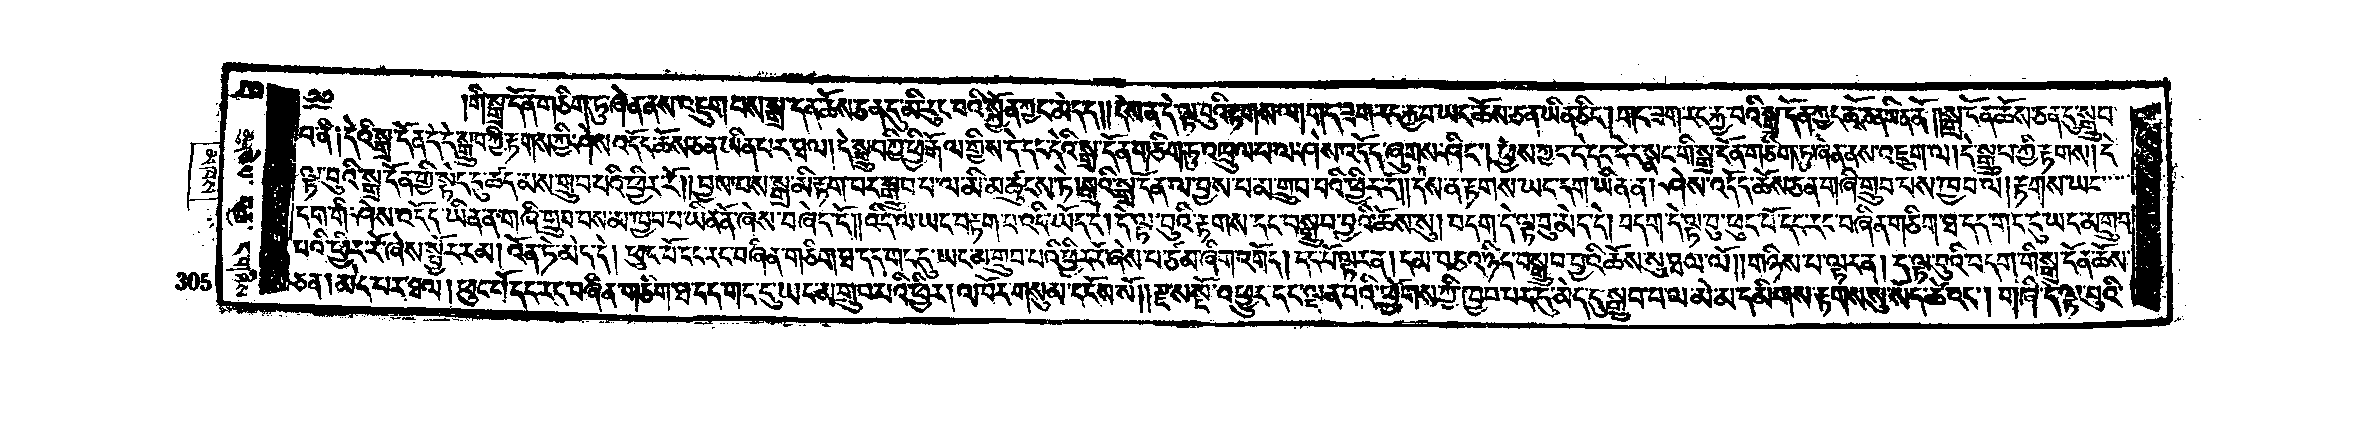༄༅། །གི་སྒྲ་དོན་གཅིག་ཏུ་ཞེན་ནས་འཇུག་པས་སྒྲ་དོན་ཆོས་ཅན་དུ་མི་རུང་བའི་སྐྱོན་ཀྱང་མེད་དེ། །དེས་ན་དེ་ལྟ་བུའི་རྟགས་ལ། གང་ཟག་རང་རྐྱ་བ་ཡང་ཆོས་ཅན་ཡིན་ཅིང་། གང་ཟག་རང་རྐྱ་བའི་སྒྲ་དོན་ཀྱང་ཆོས་ཅན་ཡིན་ནོ། །སྒྲ་དོན་ཆོས་ཅན་དུ་སྒྲུབ་
པ་ནི། དེའི་སྒྲ་དོན་དེ་དེ་སྒྲུབ་ཀྱི་རྟགས་ཀྱི་ཤེས་འདོད་ཆོས་ཅན་ཡིན་པར་ཐལ། དེ་སྒྲུབ་ཀྱི་ཕྱི་རྒོལ་གྱིས་དེ་དང་དེའི་སྒྲ་དོན་གཅིག་ཏུ་འཁྲུལ་པ་ལ་ཤེས་འདོད་ཞུགས་ཤིང་། ཕྱིས་ཀྱང་དེ་དང་དེར་སྣང་གི་སྒྲ་དོན་གཅིག་ཏུ་ཞེན་ནས་འཇུག་ལ། དེ་སྒྲུབ་ཀྱི་རྟགས། དེ་
ལྟ་བུའི་སྒྲ་དོན་གྱི་སྟེང་དུ་ཚད་མས་གྲུབ་པའི་ཕྱིར་རོ། །བྱས་པས་སྒྲ་མི་རྟག་པར་སྒྲུབ་པ་ལ་མི་མཚུངས་ཏེ། སྒྲའི་སྒྲ་དོན་ལ་བྱས་པ་མ་གྲུབ་པའི་ཕྱིར་རོ། །དེས་ན་རྟགས་ཡང་དག་ཡིན་ན། ཤེས་འདོད་ཆོས་ཅན་གཞི་གྲུབ་པས་ཁྱབ་ལ། རྟགས་ཡང་
དག་གི་ཤེས་འདོད་ཡིན་ན་གཞི་གྲུབ་པས་མ་ཁྱབ་པ་ཡིན་ནོ་ཞེས་བཞེད་དོ། །འདི་ལ་ཡང་བརྟག་པ་འདི་ཡོད་དེ། དེ་ལྟ་བུའི་རྟགས་དང་བསྒྲུབ་བྱའི་ཆོས་སུ། བདག་དེ་ལྟ་བུ་མེད་དེ། བདག་དེ་ལྟ་བུ་ཕུང་པོ་དང་རང་བཞིན་གཅིག་ཐ་དད་གང་དུ་ཡང་མ་གྲུབ་
པའི་ཕྱིར་རོ་ཞེས་སྦྱོར་རམ། འོན་ཏེ་མེད་དེ། ཕུང་པོ་དང་རང་བཞིན་གཅིག་ཐ་དད་གང་དུ་ཡང་མ་གྲུབ་པའི་ཕྱིར་རོ་ཞེས་པ་ཙམ་ཞིག་འགོད། དང་པོ་ལྟར་ན། དམ་བཅའ་ཉིད་བསྒྲུབ་བྱའི་ཆོས་སུ་ཐལ་ལོ། །གཉིས་པ་ལྟར་ན། དེ་ལྟ་བུའི་བདག་གི་སྒྲ་དོན་ཆོས་
ཅན། མེད་པར་ཐལ། ཕུང་པོ་དང་རང་བཞིན་གཅིག་ཐ་དད་གང་དུ་ཡང་མ་གྲུབ་པའི་ཕྱིར། འཁོར་གསུམ་དངོས་སོ། །རྫས་སྔོ་འཕྱུར་དང་ལྡན་པའི་ཕྱོགས་ཀྱི་ཁྱབ་པར་དུ་མེད་དུ་སྒྲུབ་པ་ལ་མེ་མ་དམིགས་རྟགས་སུ་སོད་ཚེའང་། གཞི་དེ་ལྟ་བུའི་